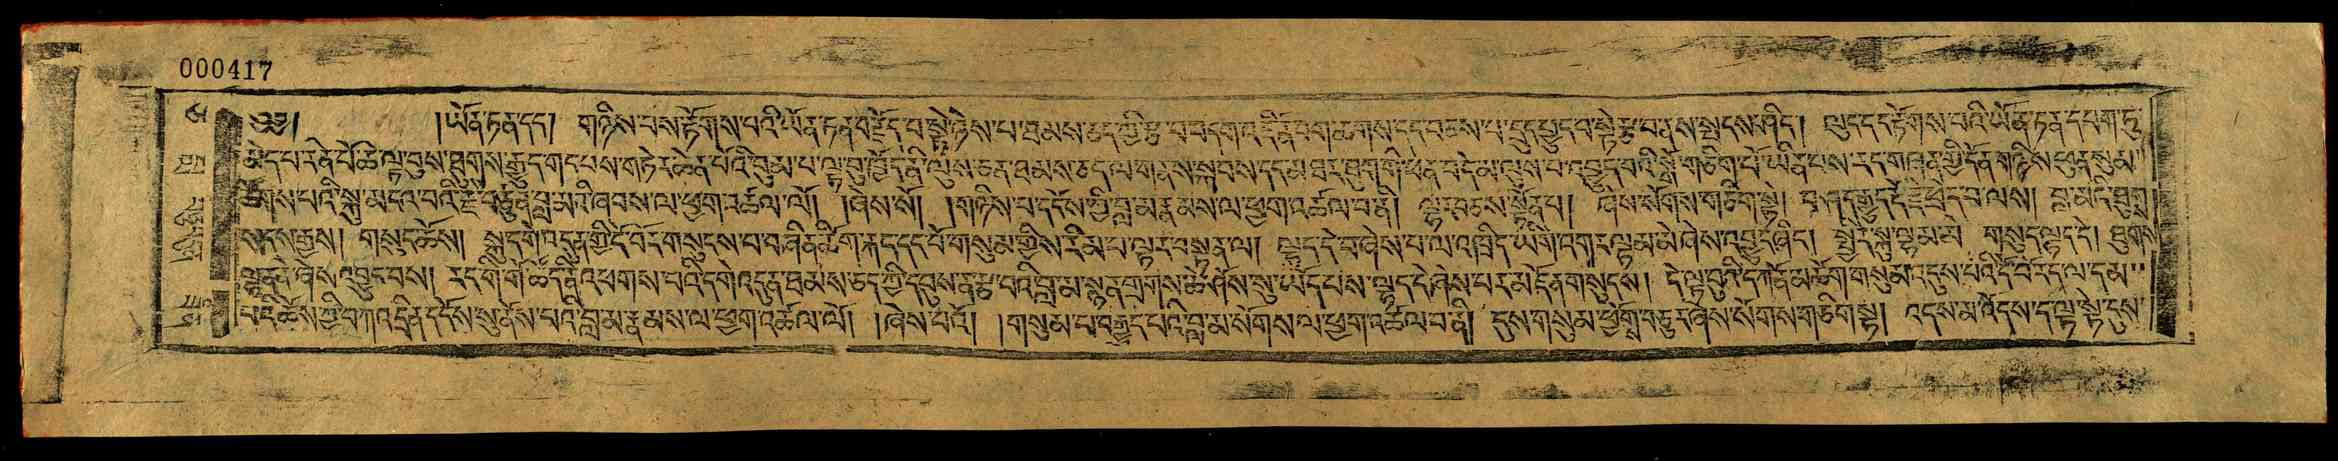༄༅། །ཡོན་ཏན་དང་། གཉིས་པས་རྟོགས་པའི་ཡོན་ཏན་བརྗོད་པ་སྟེ་ཉེས་པ་ཐམས་ཅད་ཀྱི་རྩ་བ་བདག་འཛིན་བག་ཆགས་དང་བཅས་པ་དྲུང་ཕྱུང་བ་སྟེ་རྩ་བ་ནས་སྤངས་ཤིང་། ལུང་དང་རྟོགས་པའི་ཡོན་ཏན་དཔག་ཏུ་
མེད་པ་རིན་པོ་ཆེ་ལྟ་བུས་ཐུགས་རྒྱུད་གང་བས་གཏེར་ཆེན་པོའི་བུམ་པ་ལྟ་བུ་ཁྱོད་ནི་ལུས་ཅན་ཐམས་ཅད་ལ་གནས་སྐབས་དང་མཐར་ཐུག་གི་ཕན་བདེ་མ་ལུས་པ་འབྱུང་བའི་སྒོ་གཅིག་པོ་ཡིན་པས་རང་གཞན་གྱི་དོན་གཉིས་ཕུན་སུམ་
ཚོགས་པའི་སྐུ་མངའ་བའི་རྗེ་བཙུན་བླ་མའི་ཞབས་ལ་ཕྱག་འཚལ་ལོ། །ཞེས་སོ། །གཉིས་པ་དངོས་ཀྱི་བླ་མ་རྣམས་ལ་ཕྱག་འཚལ་བ་ནི། ལྷར་བཅས་སྟོན་པ། ཞེས་སོགས་གཅིག་སྟེ། བཤད་རྒྱུད་རྡོ་རྗེ་ཕྲེང་བ་ལས། བླ་མའི་ཐུགས་
སངས་རྒྱས། གསུང་ཆོས། སྐུ་དགེ་འདུན་གྱི་ངོ་བོར་གསུངས་པ་བཞིན་ཚིག་རྐང་དང་པོ་གསུམ་གྱིས་རིམ་པ་ལྟར་བསྟན་ལ། ལྷང་ངེ་བ་ཞེས་པ་ལ་འཁྲིད་ཡིག་འགར་ལྷམ་མེ་ཞེས་འབྱུང་ཞིང་། སྤྱིར་སྐུ་ལྷམ་མེ། གསུང་ལྷང་ངེ། ཐུགས་
ལྷན་ནེ་ཞེས་འབྱུང་བས། རང་གི་གོ་ཚོད་ནི་འཕགས་པའི་དགེ་འདུན་ཐམས་ཅད་ཀྱི་དབུས་ན་རྩ་བའི་བླ་མ་སྙན་གྲགས་ཆེ་ཤོས་སུ་ཡོད་པས་ལྷང་ངེ་ཞེས་པར་མཚོན་གསུངས། དེ་ལྟ་བུའི་དཀོན་མཆོག་གསུམ་འདུས་པའི་ངོ་བོ་རང་ལ་དམ་
པའི་ཆོས་ཀྱི་བཀའ་དྲིན་དངོས་སུ་ནོས་པའི་བླ་མ་རྣམས་ལ་ཕྱག་འཚལ་ལོ། །ཞེས་པའོ། །གསུམ་པ་བརྒྱུད་པའི་བླ་མ་སོགས་ལ་ཕྱག་འཚལ་བ་ནི། དུས་གསུམ་ཕྱོགས་བཅུར་ཞེས་སོགས་གཅིག་སྟེ། འདས་མ་འོངས་ད་ལྟ་སྟེ་དུས་